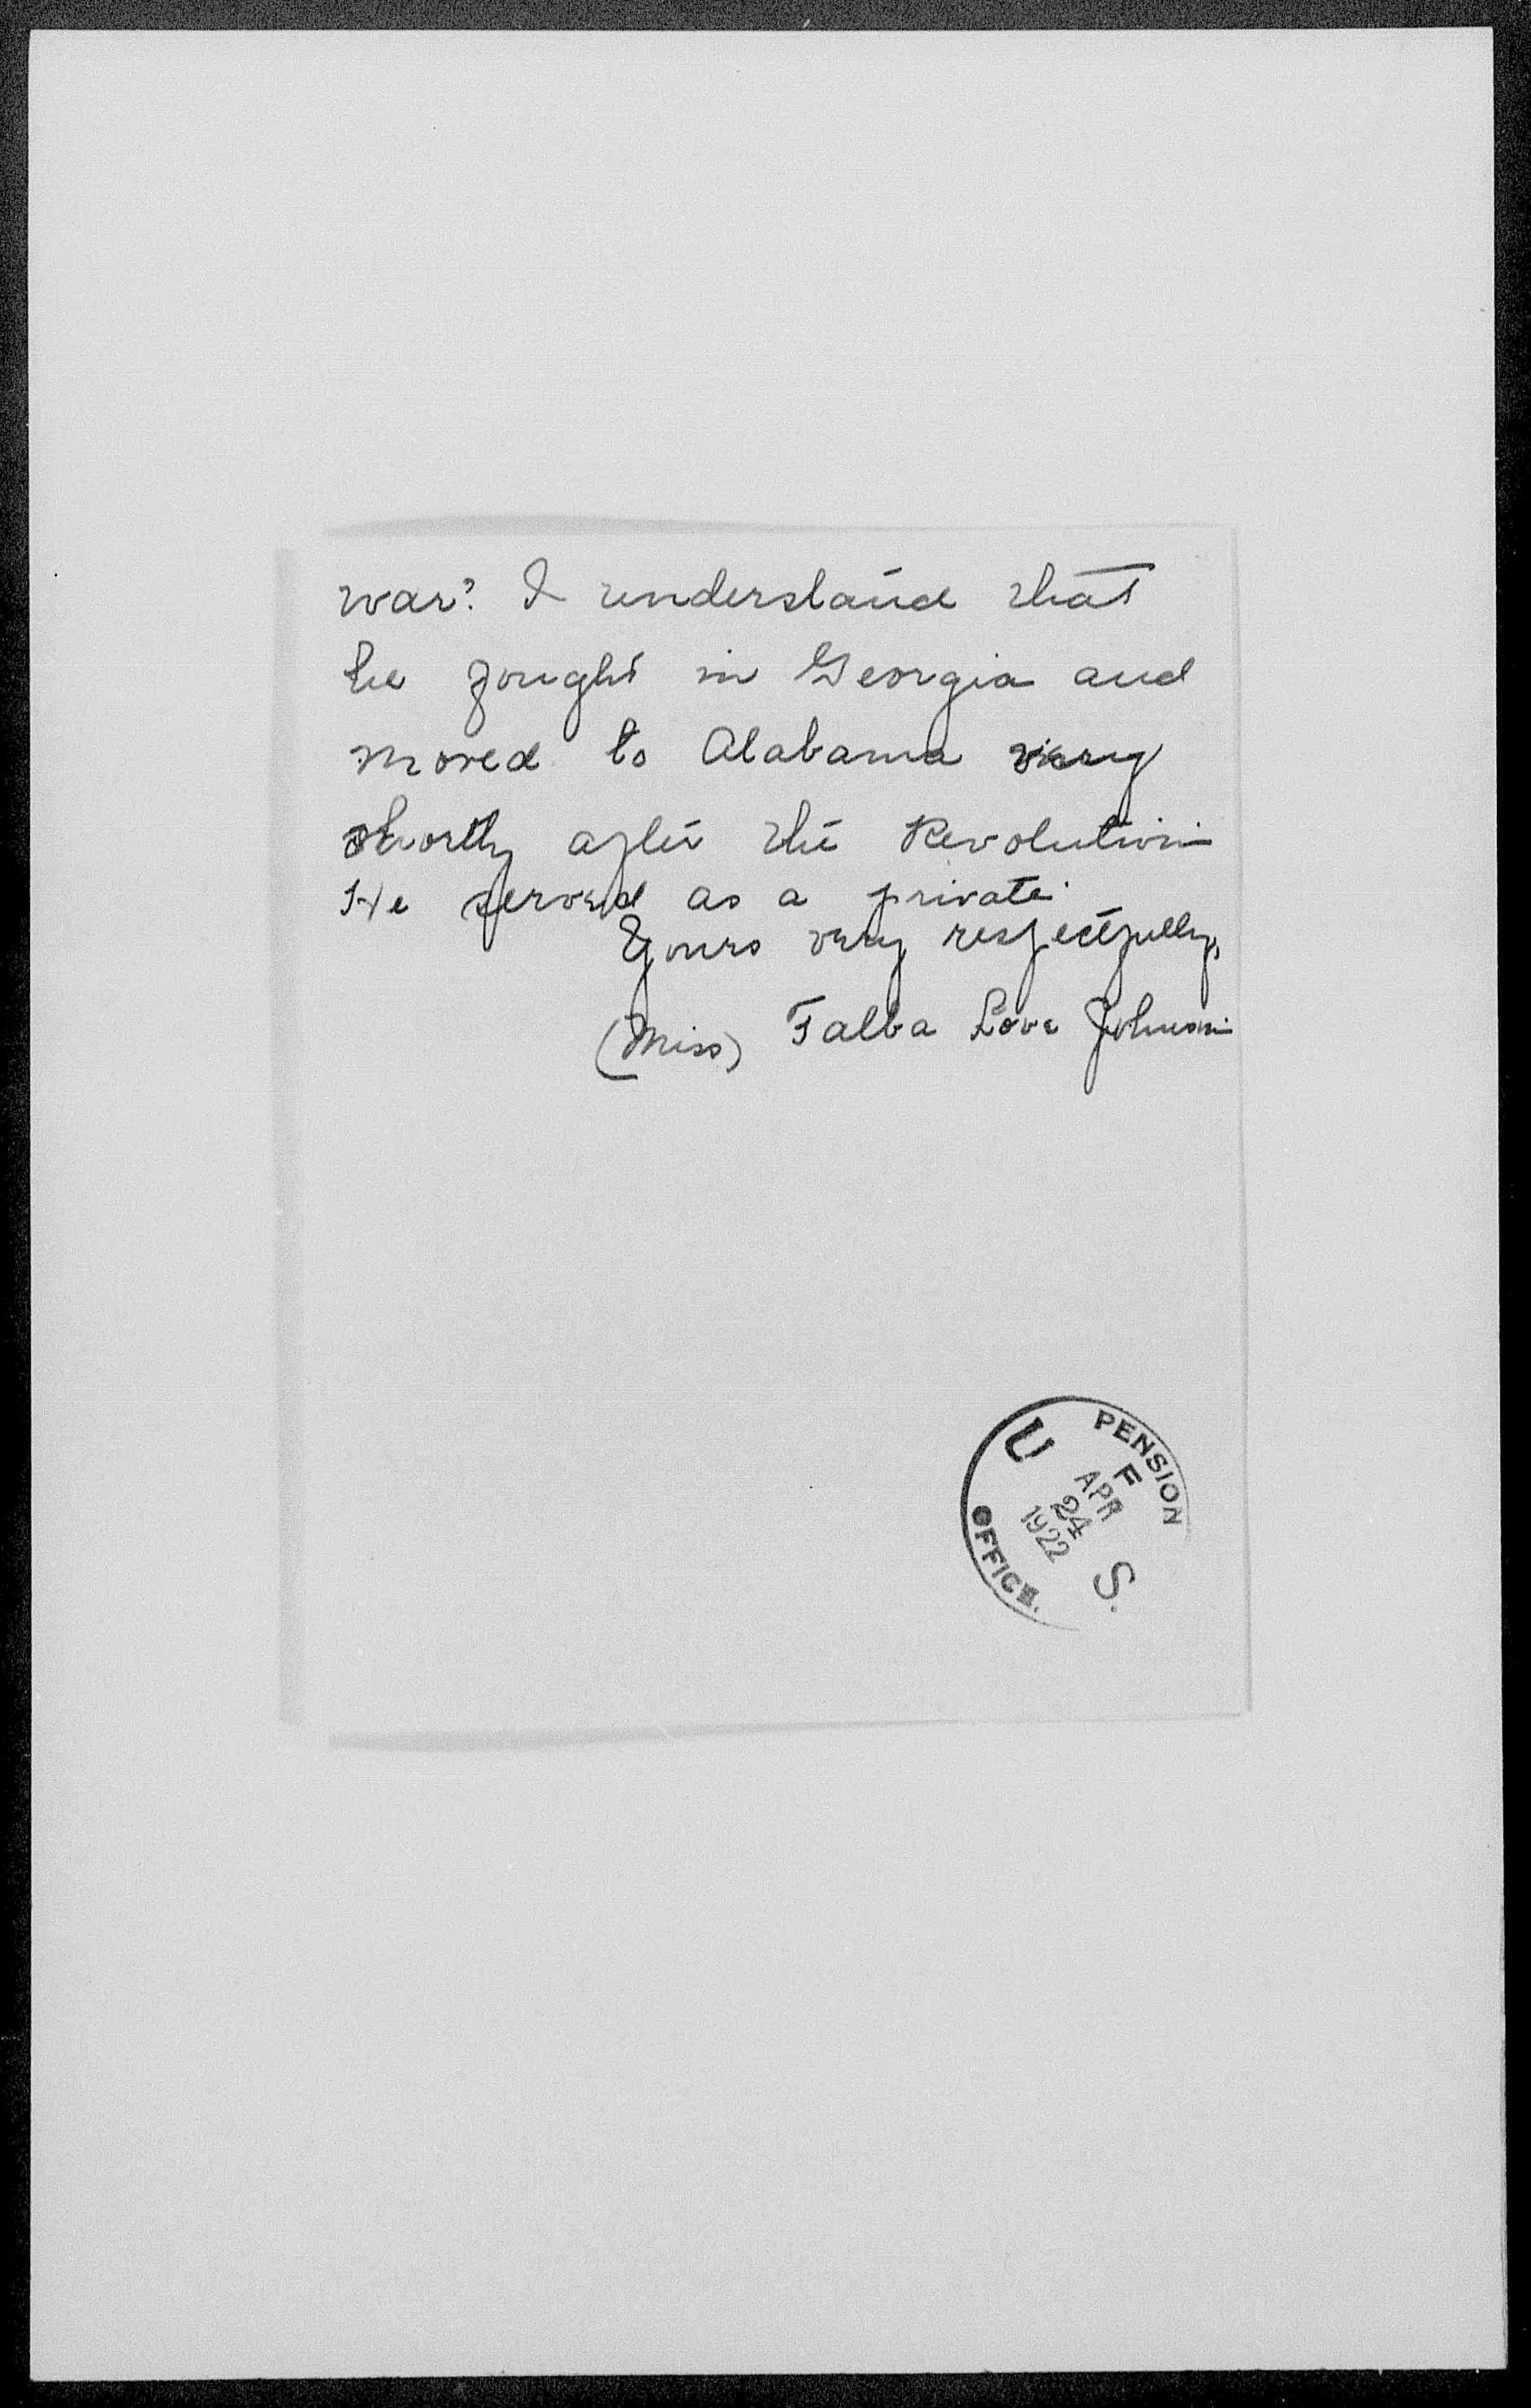war?  I understand that he fought in Georgia and moved to Alabama shortly after the Revolution. He served as a private.

Yours very respectfully,
(Miss) Falba Love Johnson

[Stamped in bottom right corner: "US PENSION OFFICE F APR 14 1922"]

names: Falba Love Johnson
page: 31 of 35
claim: survivor's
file: S. 32092, Asa Alexander, Ga.